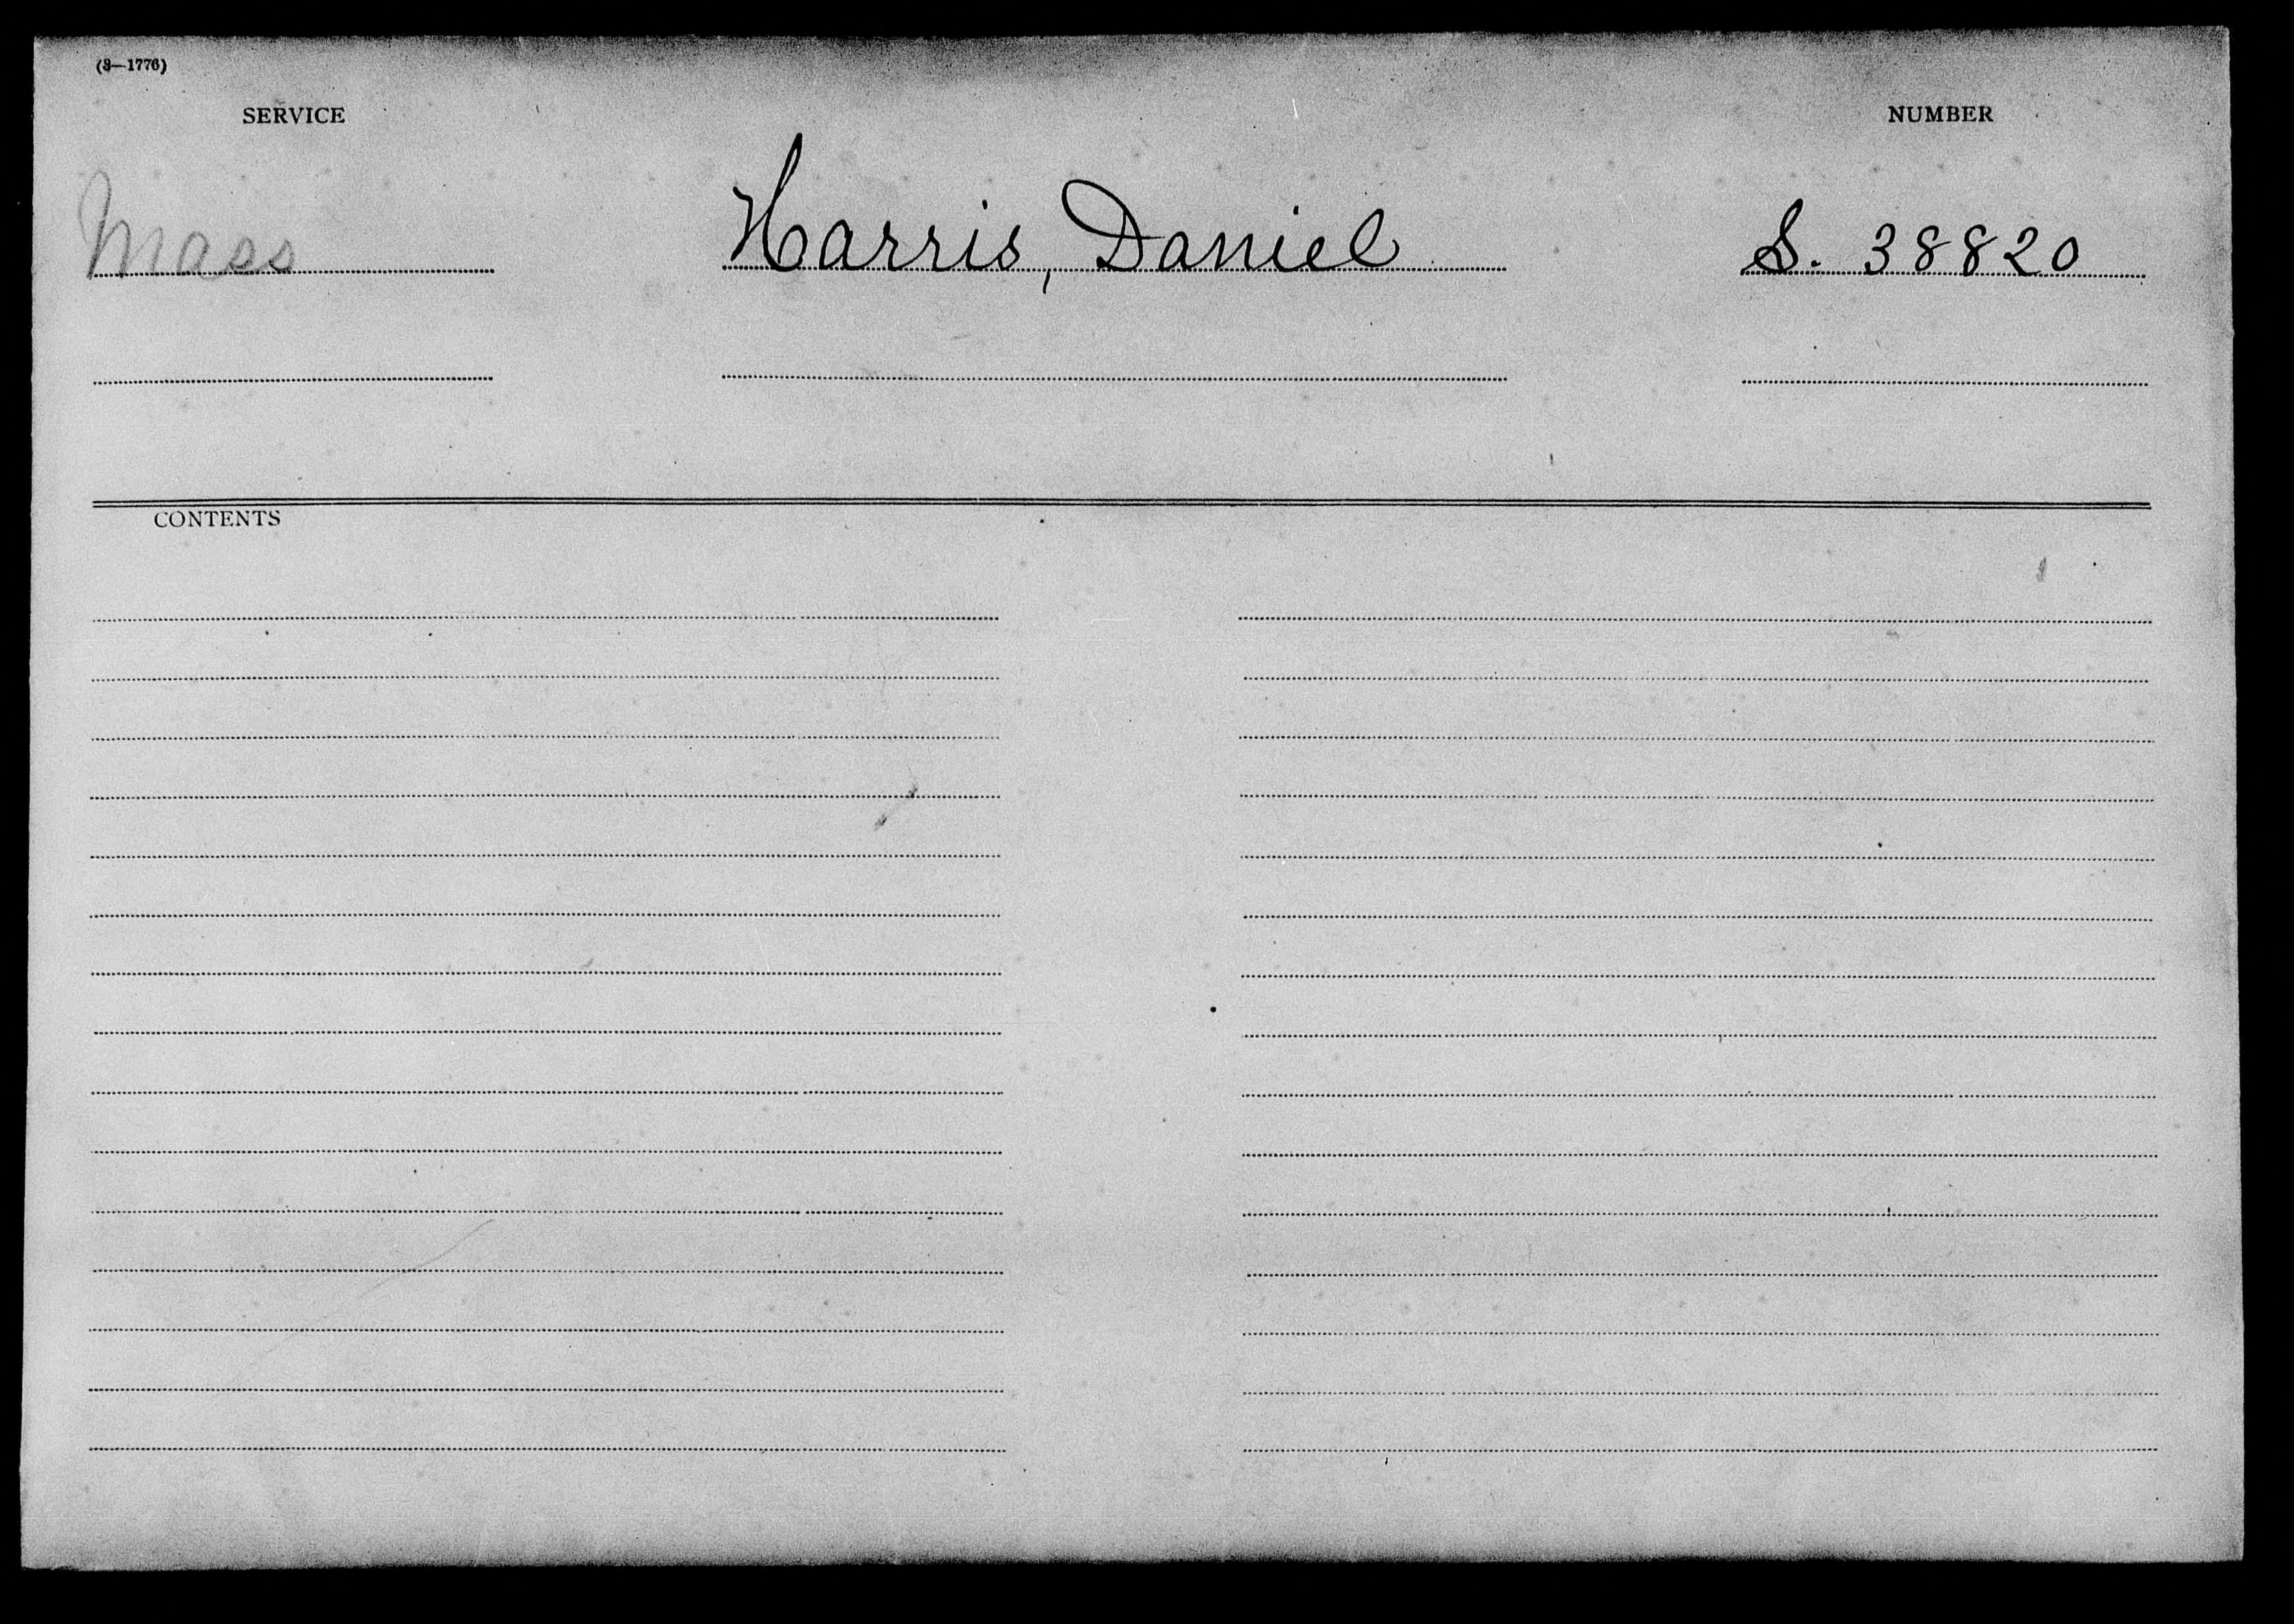Service 
Mass

Name
Harris, Daniel 

Number 
S. 38820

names: Daniel Harris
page: 29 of 68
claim: survivor's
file: S. 29,877, Daniel Harris, Mass.